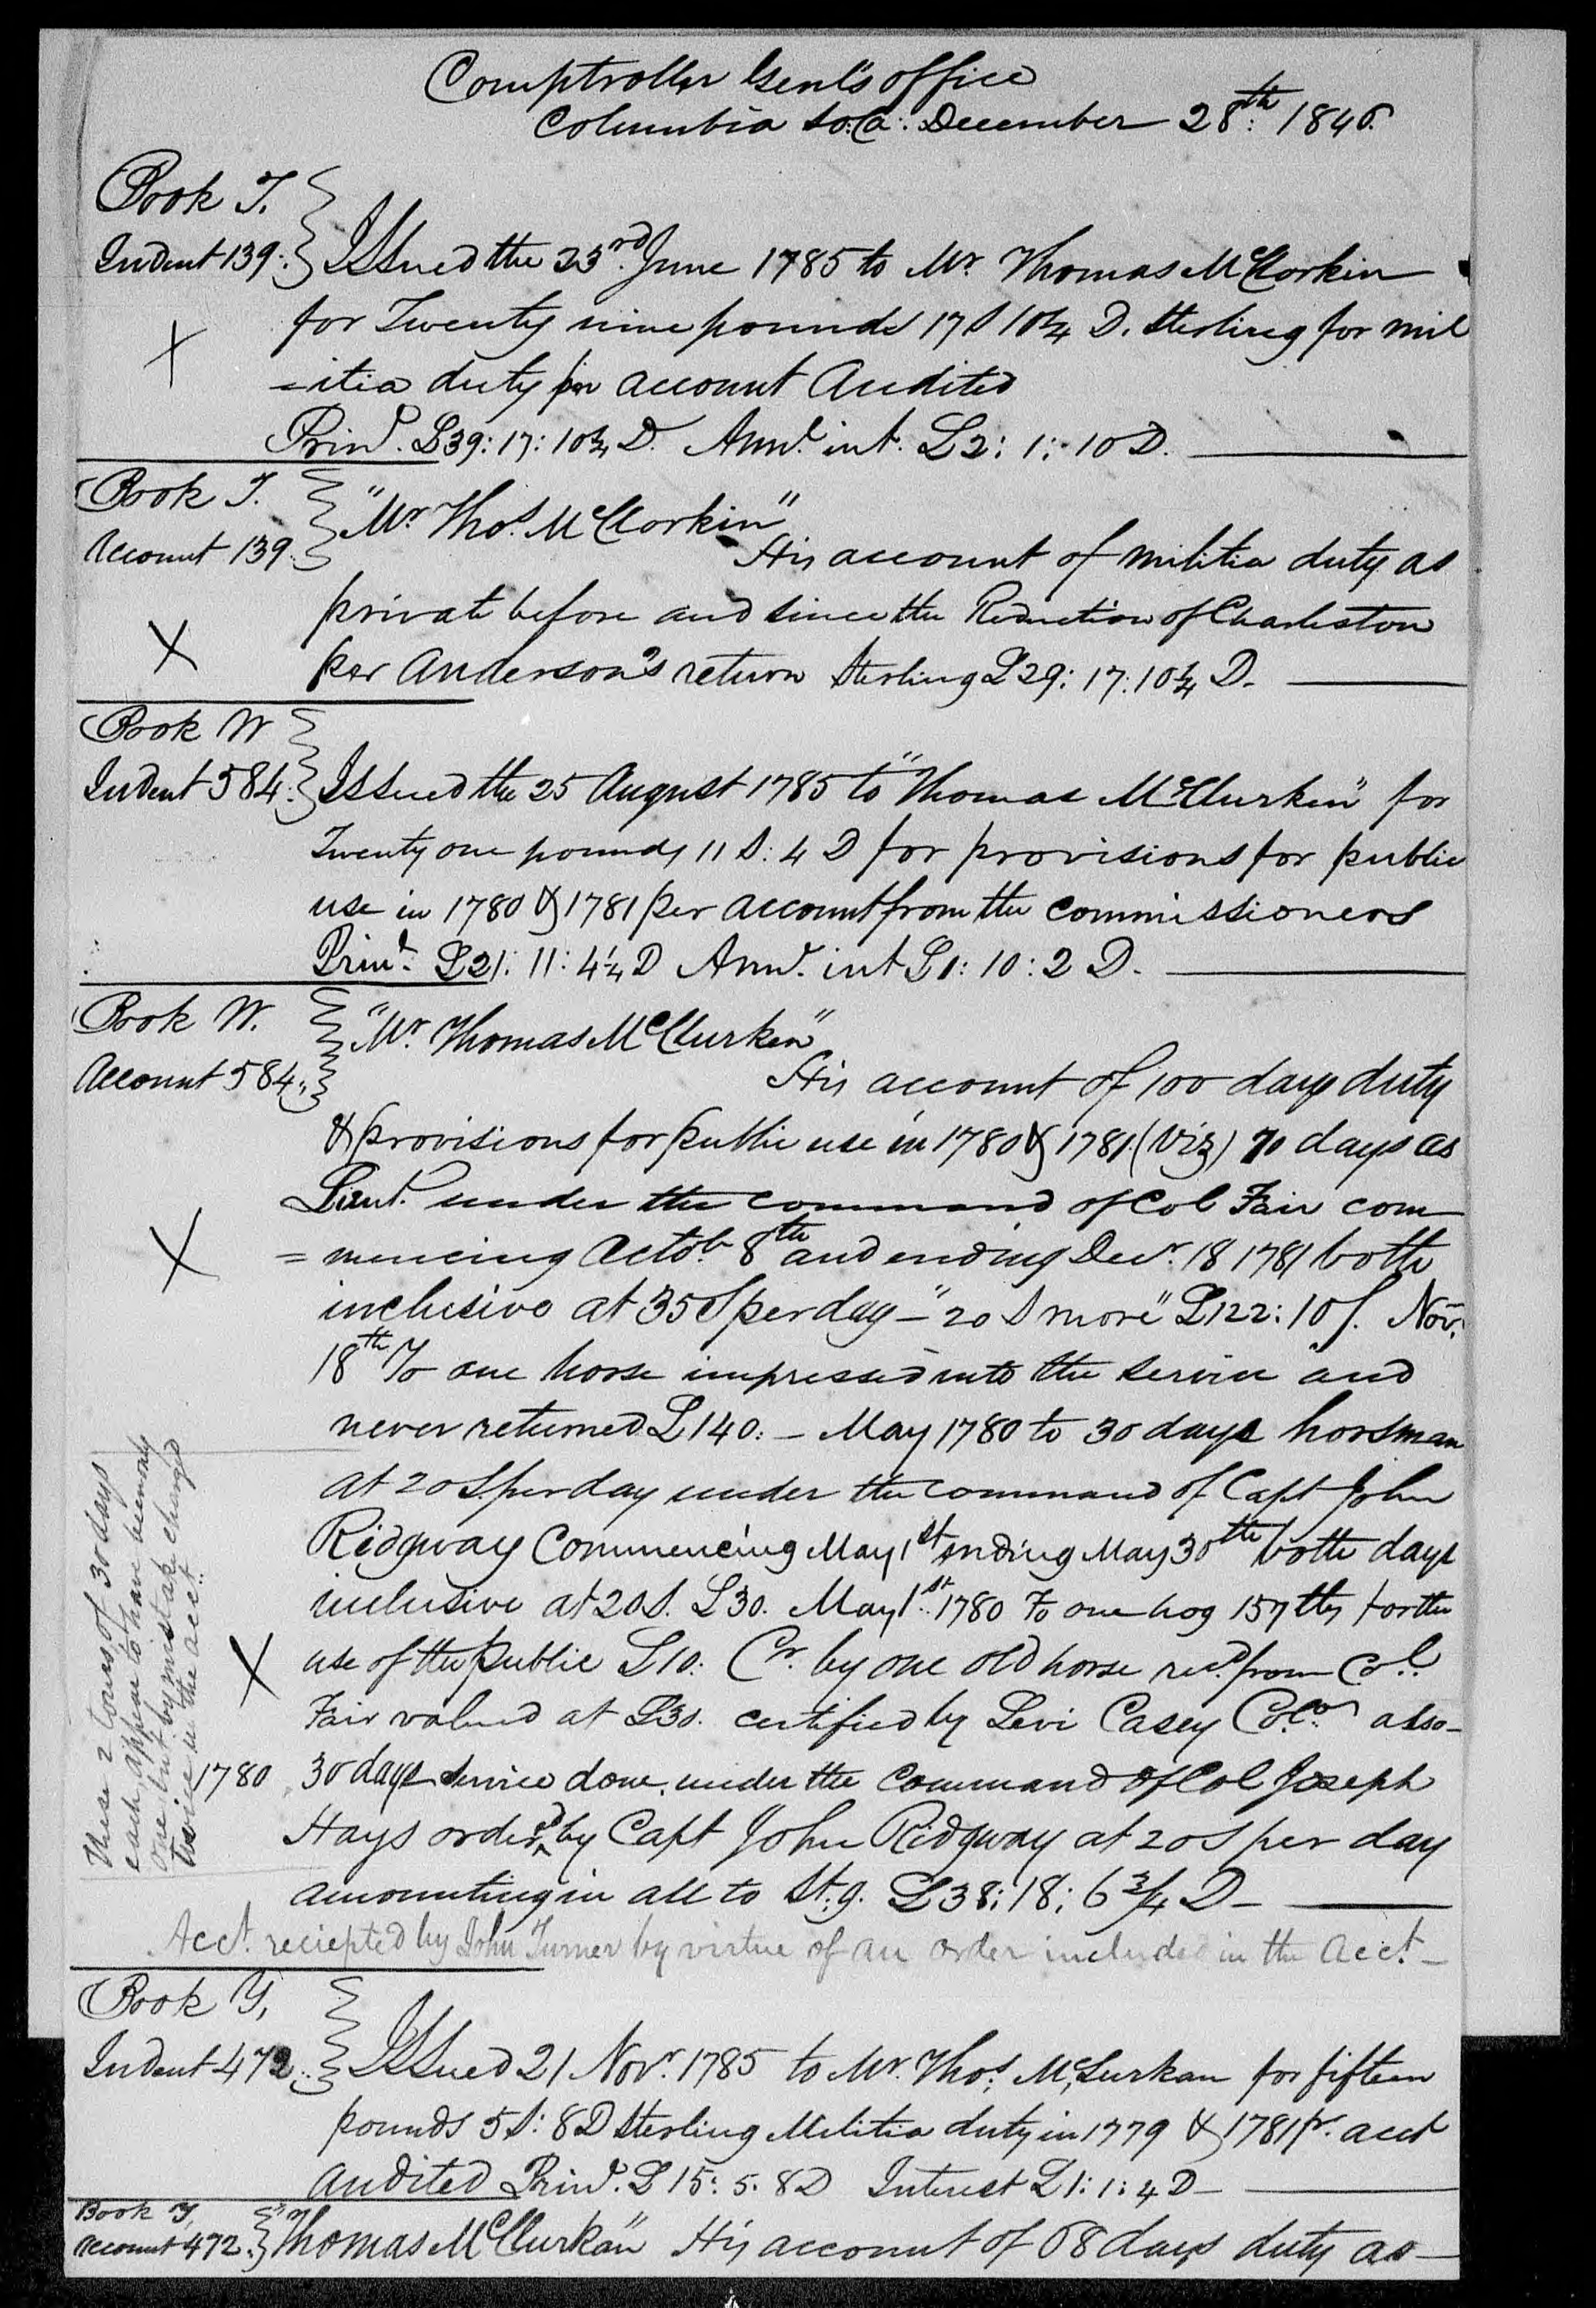Comptroller Genl's Office 
Columbia So. Ca. December 28th 1840 

Book T}
Indent 139}
Issued the 23rd June 1785 to Mr Thomas McClorkin for Twenty nine pounds 1718 D. Sterling for militia duty on account audited
 Priv. £39.17. 103 D. Ann int £2. 1.10D 

Book T} "Mr Thos McClorkin"
Account 139}
His account of militia duty as
 private before and since the Reduction of Charleston 
per Anderson's return Sterling £29:17: 10 1/4 D. 

Book W}
Indent 584} 
Issued the 25 August 1785 to "Thomas McClurken" for Twenty one pounds 11 S. 4D for provisions for public use in 1780 & 1781 per account from the Commissioners 
Priv £21:11:4 1/4 Ann int 1:10:2 D 

Book W.}
Account 584} "Mr Thomas McClurken" 
His account of 100 day duty 
& provisions for public use in 1780 & 1781 (Viz) 71 days as 
Lieut under the command of Col Fair 
commencing October 8th and ending Dec 18 1781 both inclusive at 35$ per day-"20S more" £122.10. Nov. 
18th To one horse impressed into the service  and never returned £140- May 1780 to 30 days horseman 
at 20$ per day under the command of Capt John Ridgway Commencing May 1st Ending May 30th both days inclusive at 20$. £30 May 1st 1780 to one hog 157th for the use of the Public £10. Co by one old horse recd from Col Fair valued at £30. certified by Levi Casey Col also 30 days service done under the command of Col Joseph Hays ordered by Capt John Ridgway at 20$ per day amounting in all to Stg. £38:18.6 3/4 D

Acct reciepted by John Turner by virtue of an order included in the acct. 

These 2 tours of 30 days each appease to have been only one but by mistake changed twice in the acct.

Book Y}
 Indent 472} 
Issued 21 Novr 1785 to Mr Thos McClurken for fifteen pounds 5$: 8D Sterling Militia duty in 1779 & 1781 per accd
audited Priv. £15:55.8D Interest £1:1:4D

Book T}
Account 472}
Thomas McClurken His account of 68 days duty as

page: 61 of 93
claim: widow's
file: W. 21792, for Thomas Mc Clurken, South Carolina